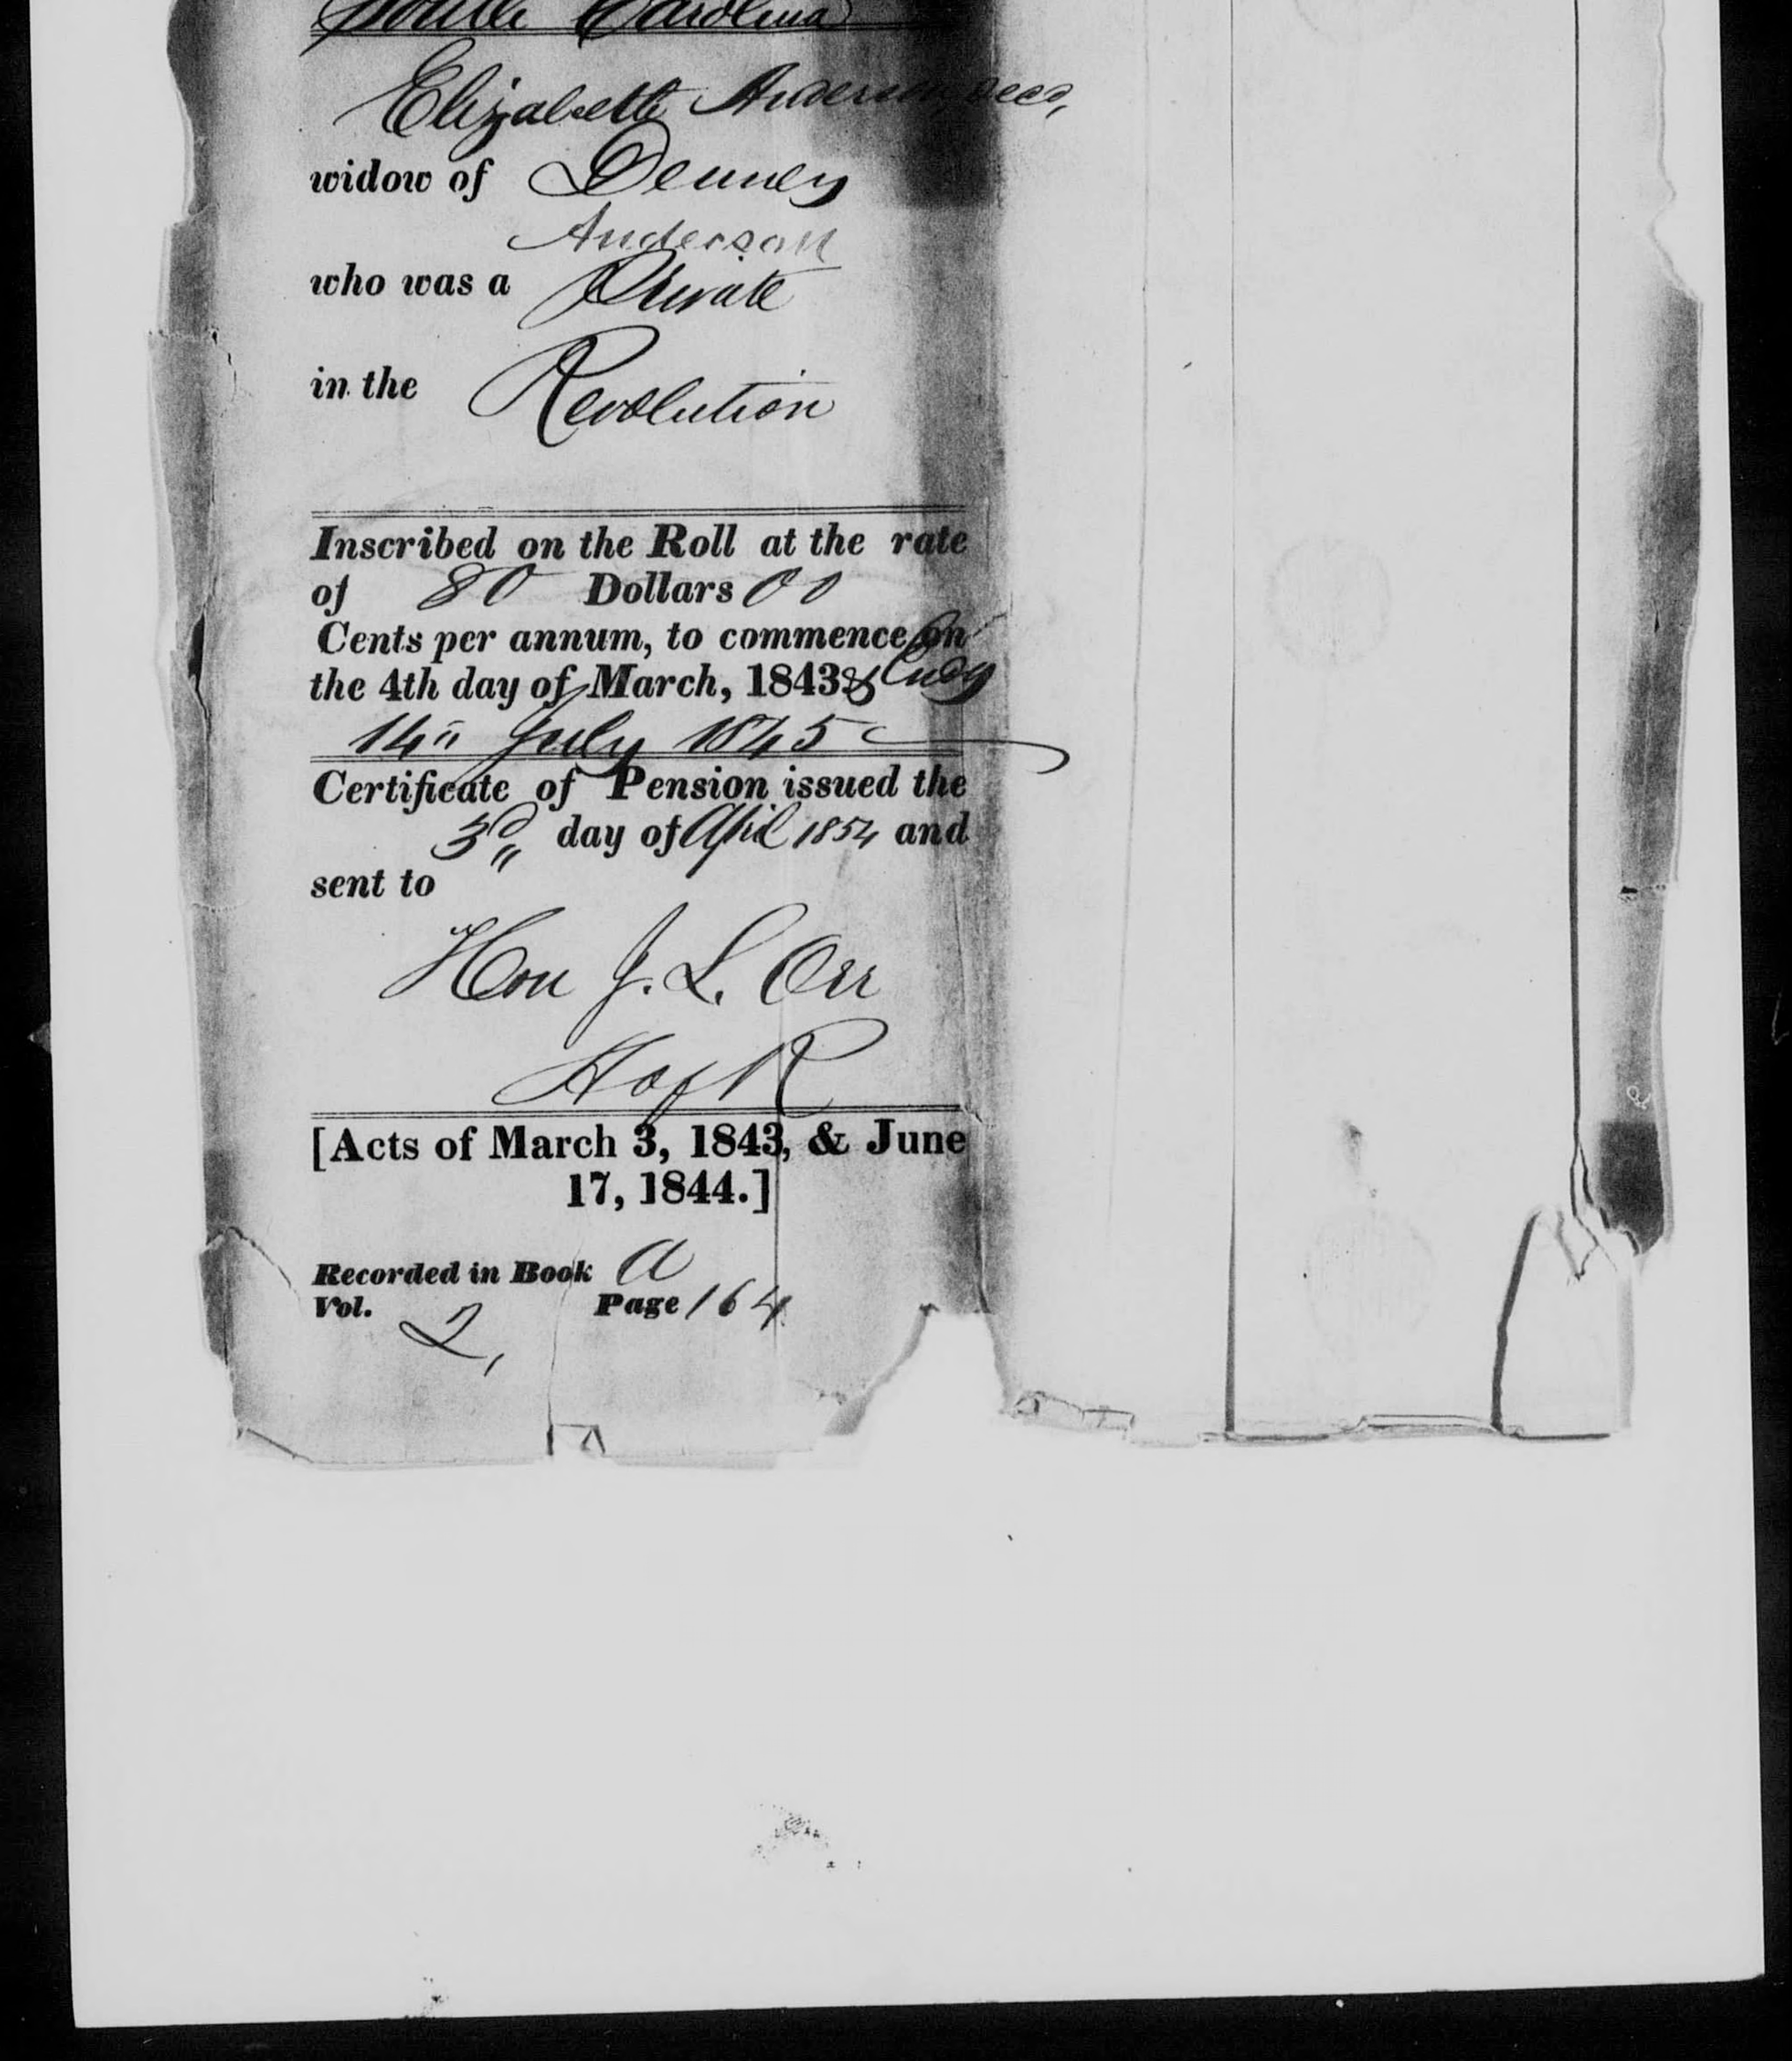South Carolina
---
Elizabeth Anderson decd. widow of Denney Anderson who was a Private in the Revolution
---
Inscribed on the Roll at the Rate of 80 Dollars 00 Cents per annum, to commence on the 4th day of March, 1843 & End on 14th July 1845
---
Certificate of Pension issued the 3rd day of April 1854 and sent to
Hon J. L. Orr H of R
---
[Acts of March 3, 1843, & June 17, 1844.]
Recorded in Book. A Vol. 2 Page 164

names: J L Orr, Elizabeth Anderson, Denney Anderson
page: 3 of 51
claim: widow's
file: W. 9700, Denney Anderson, S.C.